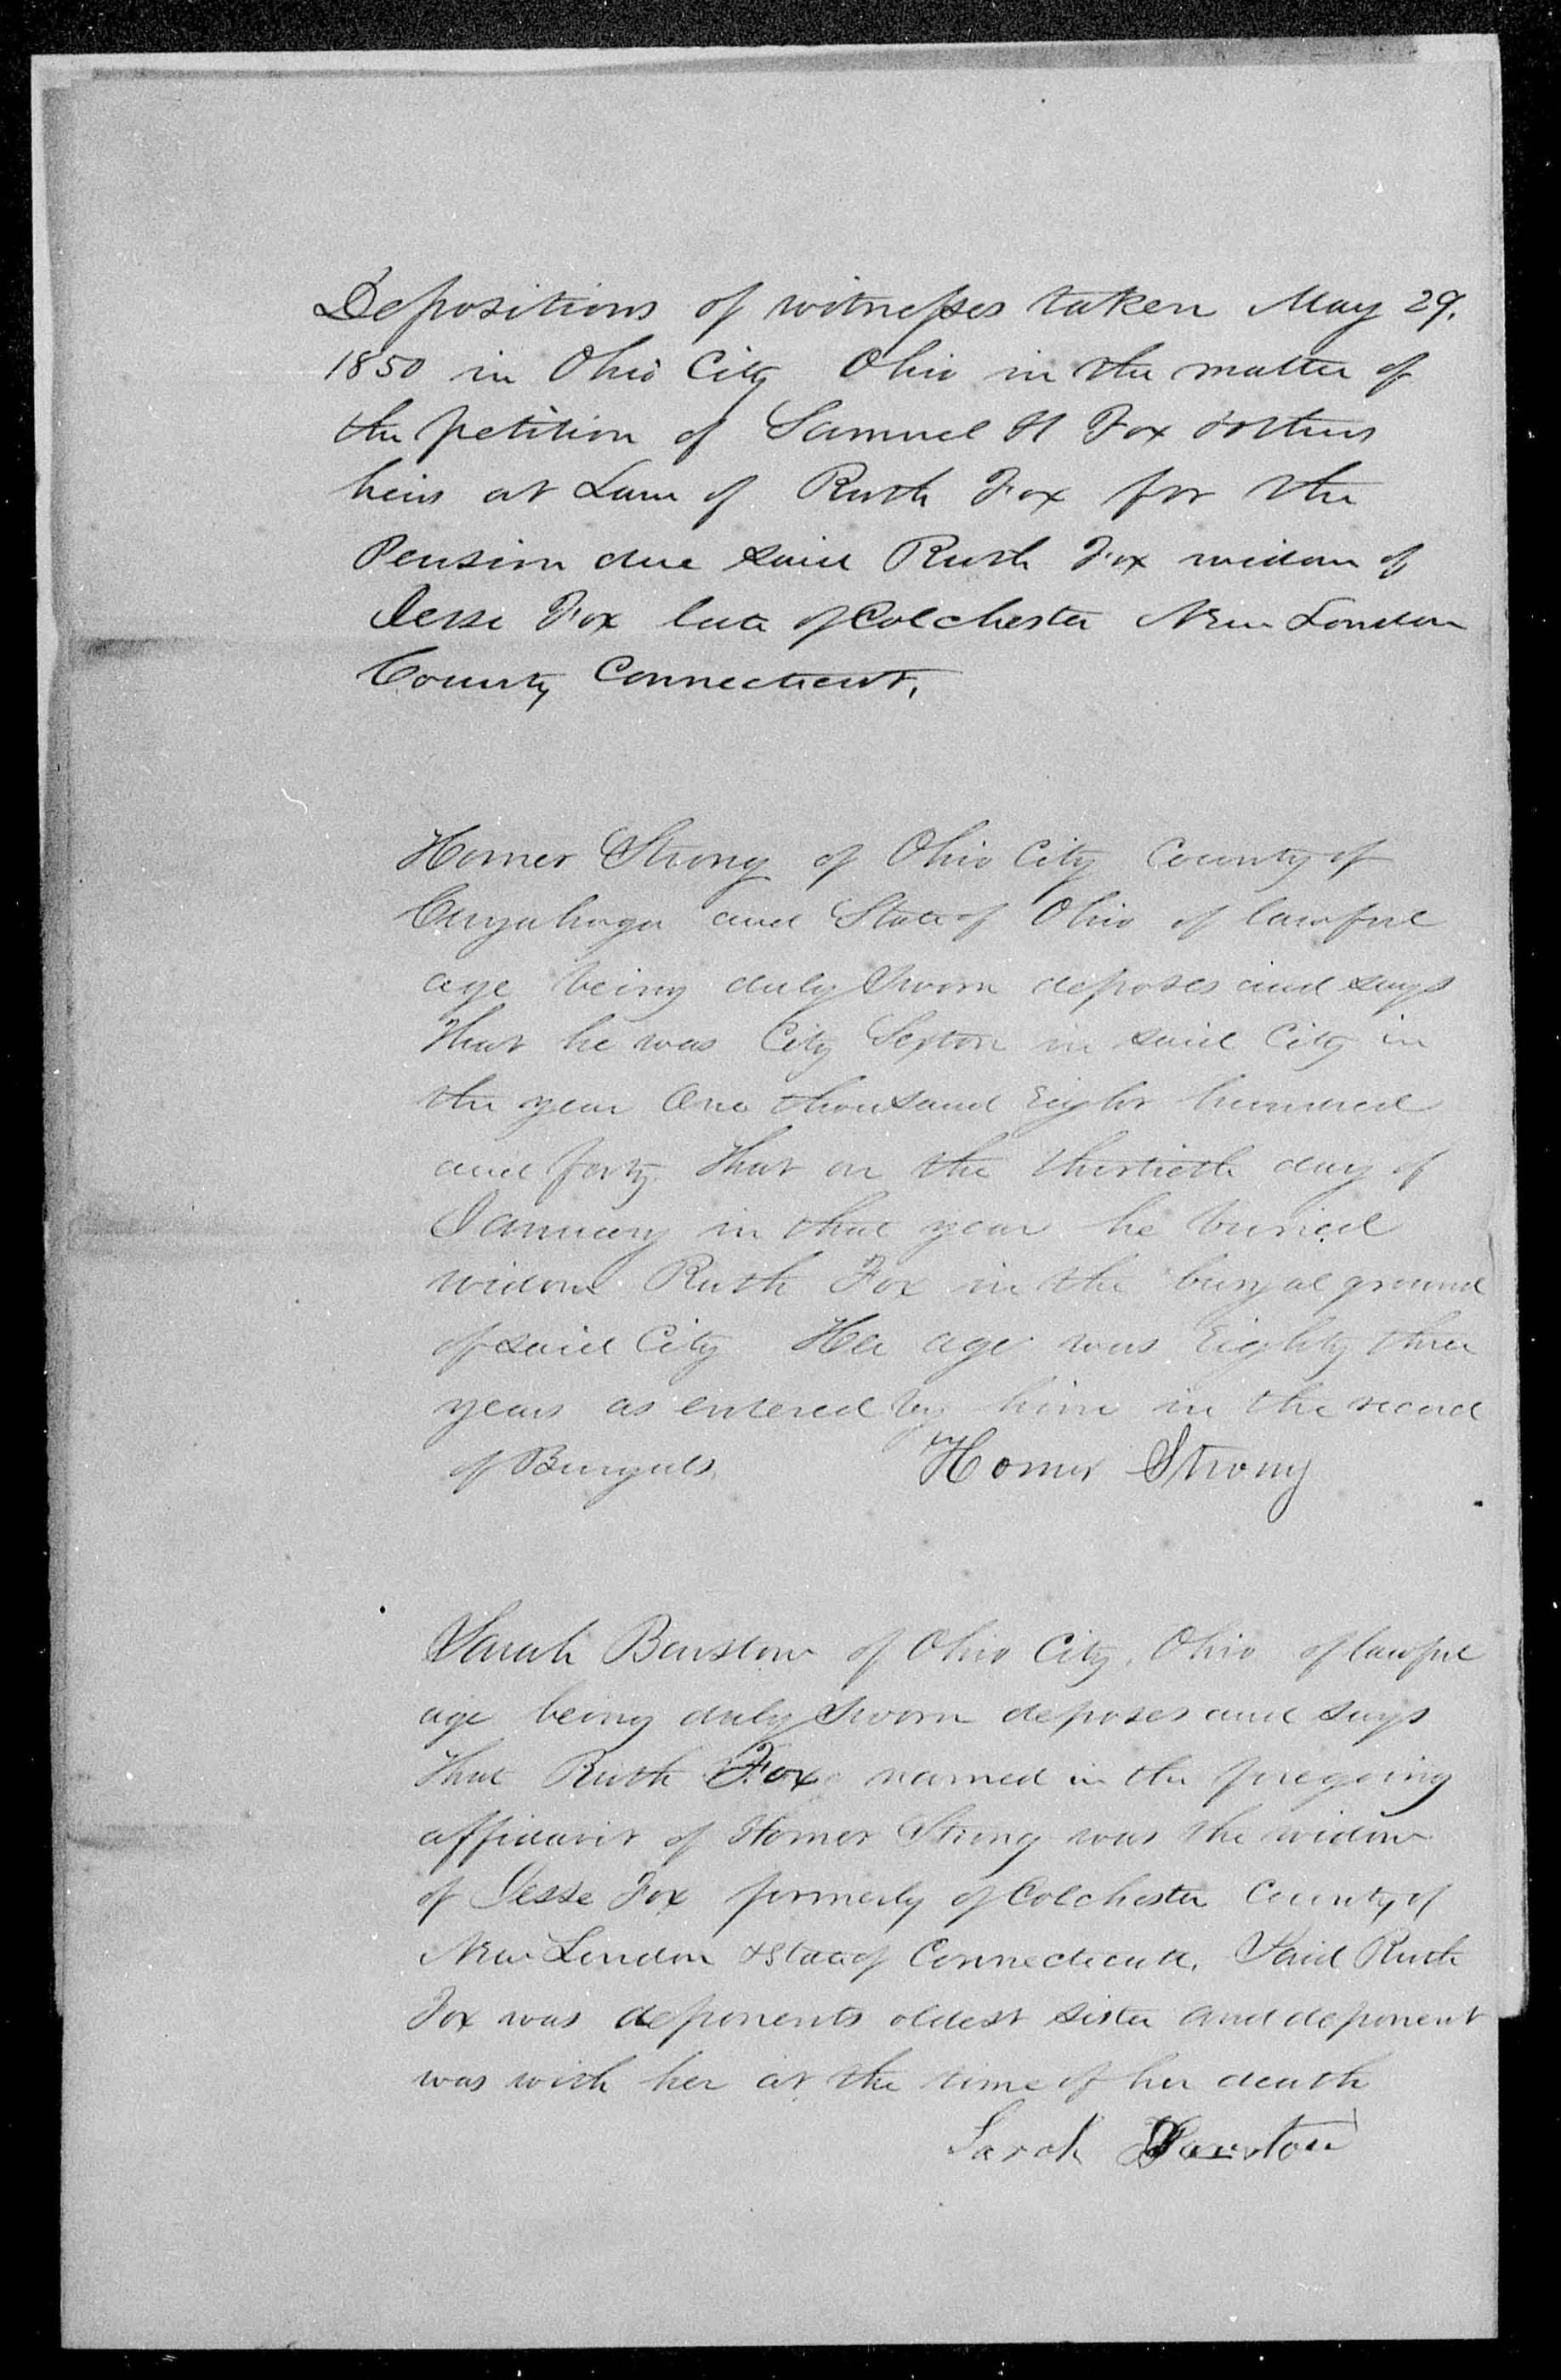Depositions of witnesses taken May 29, 1850 in Ohio City, Ohio in the matter of the petition of Samuel H Fox & other heirs at Law of Ruth Fox for the pension due said Ruth Fox widow of Jesse Fox late of Colchester New London County Connecticut.

Homer Strong of Ohio City, county of Cuyahoga and State of Ohio of lawful age being duly sworn deposes and says that he was City Sexton in said City in the year one thousand eight hundred and forty. That on the thirteenth day of January in that year he buried widow Ruth Fox in the burial ground of said City. Her age was eighty three years as entered by him in the record of Buriels.
Homer Strong

Sarah Barstow of Ohio City, Ohio of lawful age being duly sworn deposes and says that Ruth Fox named in the foregoing affidavit of Homer Strong was the widow of Jesse Fox formerly of Colchester County of New London & state of Connecticut, said Ruth Fox was deponents eldest sister and deponent was with her at the time her death.
Sarah Barstow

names: Jesse Fox, Ruth Fox, Ruth Fox, Samuel H Fox, Sarah Barstow, Homer Strong, Ruth Fox, Jesse Fox, Ruth Fox, Homer Strong, Sarah Barstow, Homer Strong, Ruth Fox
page: 44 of 53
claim: rejected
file: R. 3732, Jesse Fox, Conn.